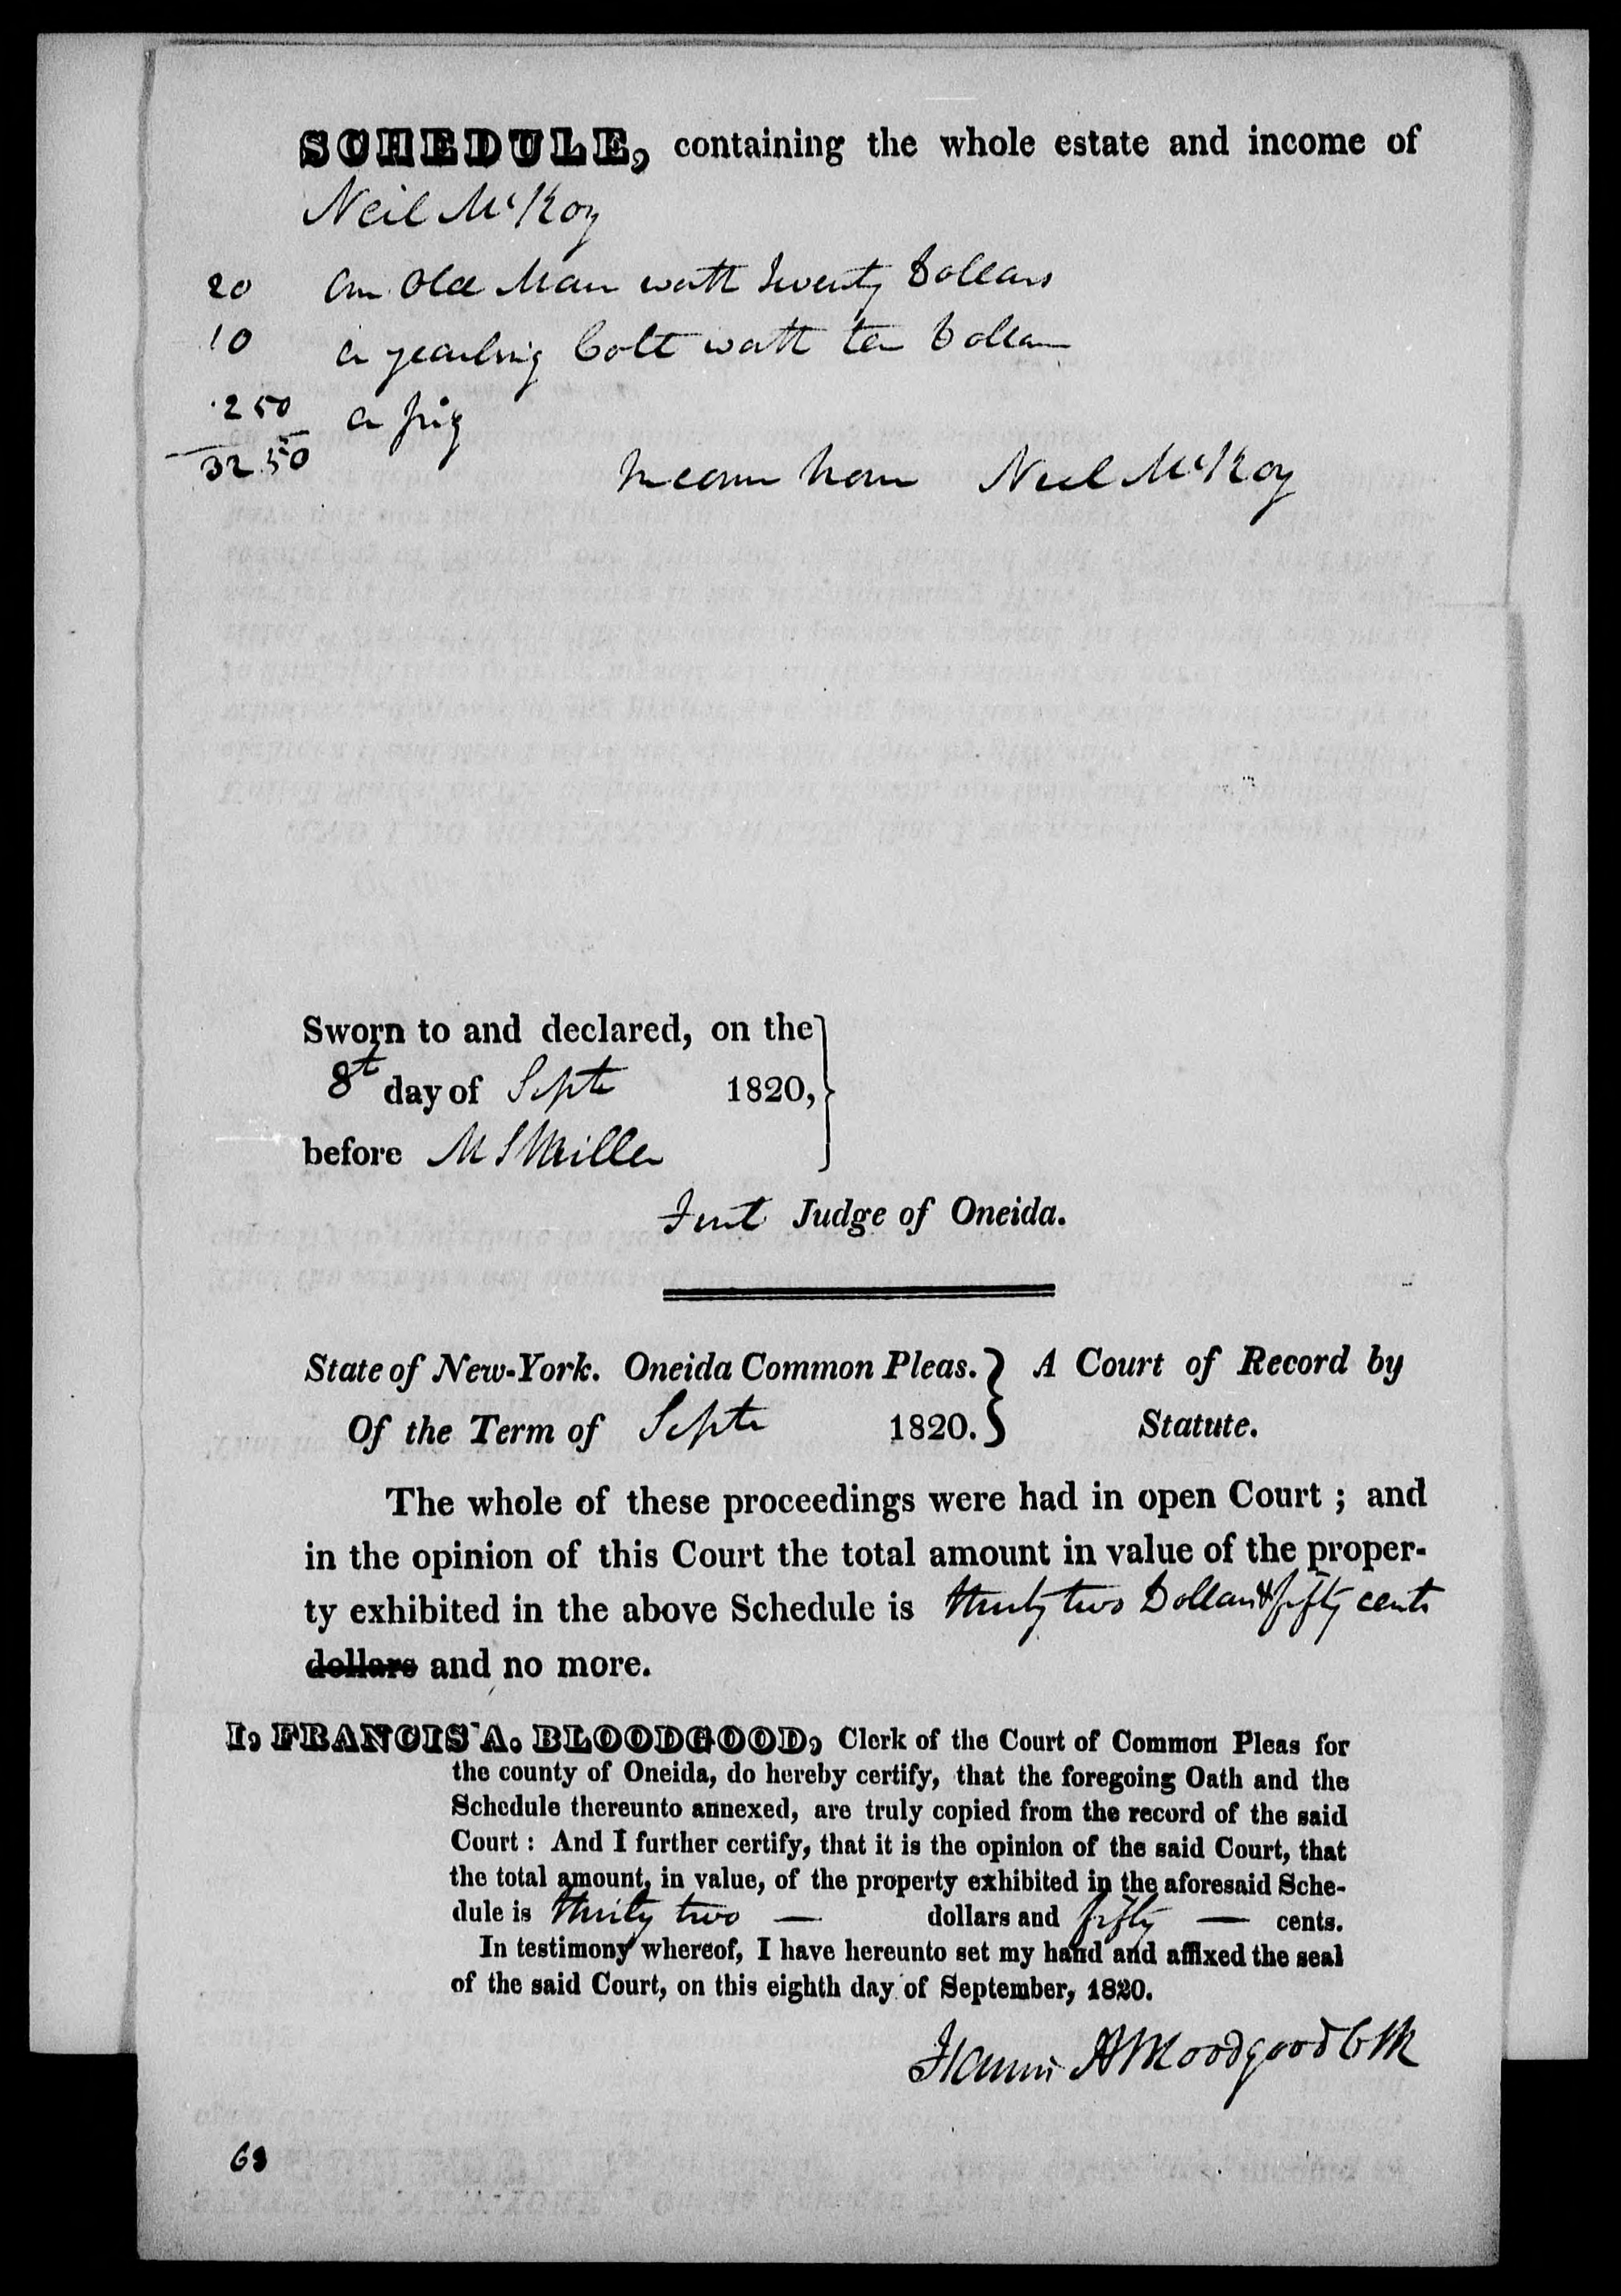Schedule, containing the whole estate and income of Neil McKoy
20 An old man worth twenty dollars
10 A yearling Colt worth ten dollars
2.50 a pig
32.50
[? ?] Neil McKoy
Sworn to and declared, on the 8t day of Sept 1820, before ML Miller}
First Judge of Oneida
State of New York, Oneida Common Pleas of the Term Sept 1820}
A Court of Record by Stature.
The whole of these proceedings were had in open Court; and in the opinion of this Court the total amount in value of the property exhibited in the above Schedule is thirty two dollars & fifty cents and no more.
I, Francis A. Bloodgood, Clerk of the Court of Common Please for the county of Oneida, do hereby certify, that the foregoing oath and the Schedule thereunto annexed, are truly copied from the record of said Court, that the total amount, in value, of the property exhibited in the aforesaid Schedule is thirty two dollars and fifty cents.
In testimony whereof, I have hereunder set my hand and affixed the seal of said Court, on the eighth day of September, 1820.
Francis A Bloodgood Clk
63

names: Francis A Bloodgood; M S Miller; Neil Mc Koy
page: 4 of 11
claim: survivor's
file: S. 42951, for Neil Mc Koy, Massachusetts